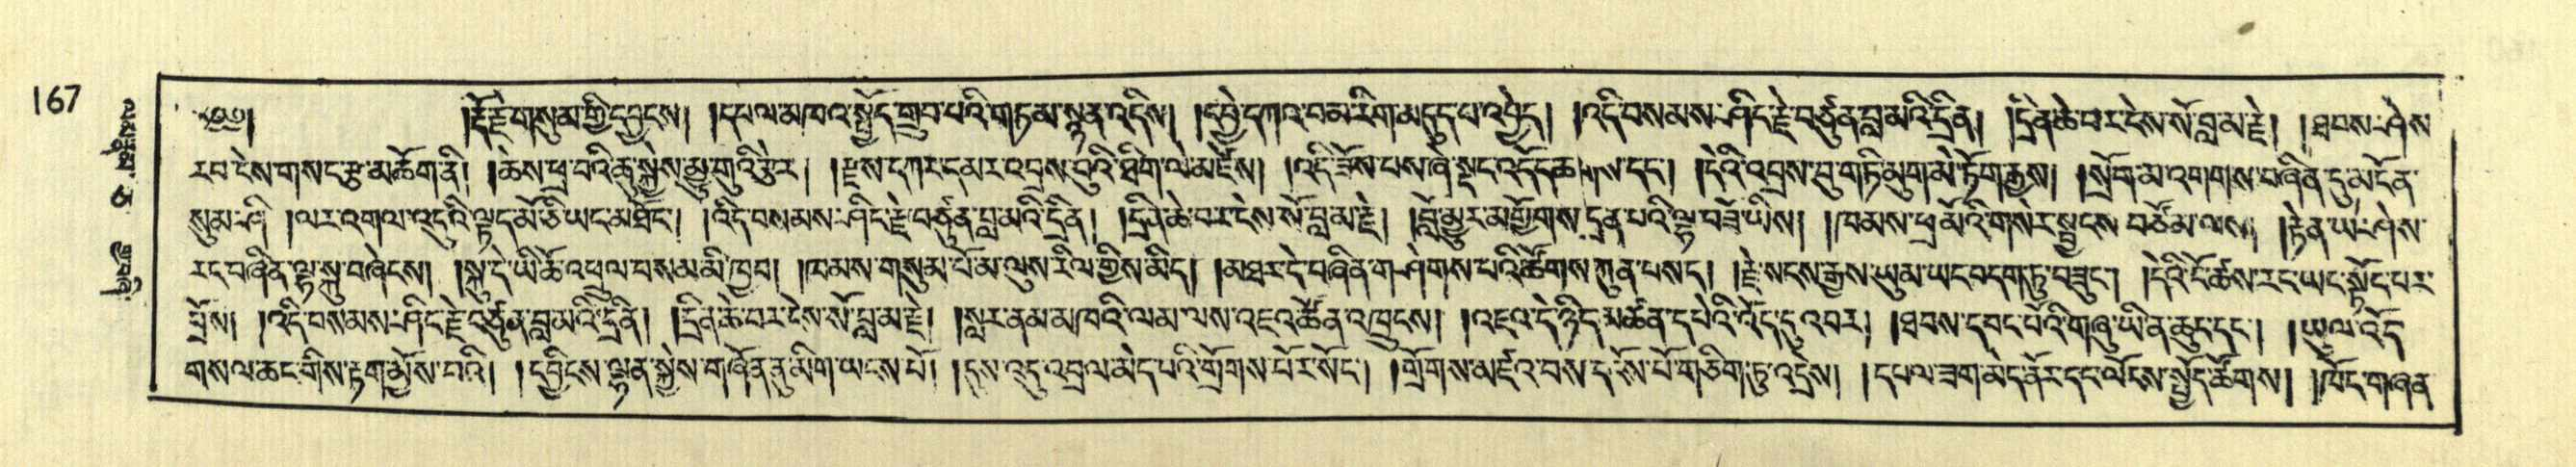༄༅། །རྡོ་རྗེ་གསུམ་གྱི་དབྱངས། །དཔལ་མཁའ་སྤྱོད་གྲུབ་པའི་གཏམ་སྙན་འདིས། །དབྱེ་དཀའ་བམ་རིག་མདུད་པ་འབྱེད། །འདི་བསམས་ཤིང་རྗེ་བཙུན་བླ་མའི་དྲིན། །དྲིན་ཆེ་བར་ངེས་སོ་བླ་མ་རྗེ། །ཐབས་ཤེས་
རབ་ངེས་གསང་རྩ་མཆོག་ནི། །ཆེས་ཕྲ་བའི་ཆུ་སྐྱེས་མྱུ་གུའི་རྩེར། །རྫས་དཀར་དམར་འབྲས་བུའི་ཐིག་ལེ་མཛེས། །འདི་ཟོས་པས་ཞེ་སྡང་འདོད་ཆགས་དང་། །དེའི་འབྲས་བུ་གཏི་མུག་མེ་ཏོག་རྒྱས། །སྲོག་མ་འགགས་བཞིན་དུ་མངོན་
སུམ་ཤི་།ལར་འགལ་འདུའི་ལྟད་མོ་ཅི་ཡང་མཐོང་། །འདི་བསམས་ཤིང་རྗེ་བཙུན་བླ་མའི་དྲིན། །དྲིན་ཆེ་བར་ངེས་སོ་བླ་མ་རྗེ། །བློ་མྱུར་མགྱོགས་དྲན་པའི་ལྷ་བཟོ་ཡིས། །ཁམས་ཕྲ་མོའི་གསེར་སྦྱངས་བཙོམ་ལས། །རྟེན་ཡེ་ཤེས་
རང་བཞིན་ལྷ་སྐུ་བཞེངས། །སྐུ་དེ་ཡི་ཆོ་འཕྲུལ་བསམ་མི་ཁྱབ། །ཁམས་གསུམ་པོ་མ་ལུས་རིལ་གྱིས་མིད། །མཐར་དེ་བཞིན་གཤེགས་པའི་ཚོགས་ཀུན་བསད། །རྗེ་སངས་རྒྱས་ཡུམ་ཡང་བདག་ཏུ་བཟུང་། །དེའི་ངོ་ཚས་རང་ཡང་སྟོང་པར་
བྲོས། །འདི་བསམས་ཤིང་རྗེ་བཙུན་བླ་མའི་དྲིན། །དྲིན་ཆེ་བར་ངེས་སོ་བླ་མ་རྗེ། །སླར་ནམ་མཁའི་ལམ་ལས་འཇའ་ཚོན་འཁྲུངས། །འཇའ་དེ་ཉིད་མཚན་དཔེའི་འོད་དུ་འབར། །ཐབས་དབང་པོའི་གཞུ་ཡིན་ཆུང་དང་། །ཡུལ་འོད་
གསལ་ཆང་གིས་རྟག་མྱོས་བའི། །དབྱིངས་ལྷན་སྐྱེས་གཞོན་ནུ་མིག་ཡངས་པོ། །དུས་འདུ་འབྲལ་མེད་པའི་གྲོགས་པོར་སོང་། །གྲོགས་མཛའ་བས་དངོས་པོ་གཅིག་ཏུ་འདྲེས། །དཔལ་ཟག་མེད་ནོར་དང་ལོངས་སྤྱོད་ཚོགས། །ཁོང་གཞན་